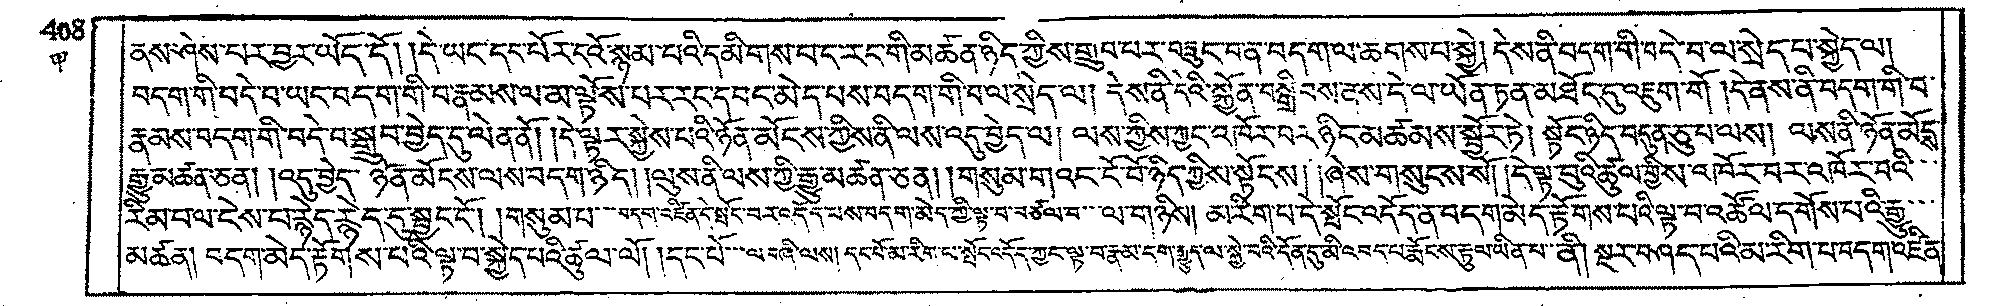ནས་ཤེས་པར་བྱར་ཡོད་དོ། །དེ་ཡང་དང་པོར་ངའོ་སྙམ་པའི་དམིགས་པ་ང་རང་གི་མཚན་ཉིད་ཀྱིས་གྲུབ་པར་བཟུང་བ་ན་བདག་ལ་ཆགས་པ་སྐྱེ། དེས་ནི་བདག་གི་བདེ་བ་ལ་སྲེད་པ་སྐྱེད་ལ།
བདག་གི་བདེ་བ་ཡང་བདག་གི་བ་རྣམས་ལ་མ་ལྟོས་པར་རང་དབང་མེད་པས་བདག་གི་བ་ལ་སྲེད་ལ། དེས་ནི་དེའི་སྐྱོན་བསྒྲིབས་ནས་དེ་ལ་ཡོན་ཏན་མཐོང་དུ་འཇུག་གོ །དེ་ནས་ནི་བདག་གི་བ་
རྣམས་བདག་གི་བདེ་བ་སྒྲུབ་བྱེད་དུ་ལེན་ནོ། །དེ་ལྟར་སྐྱེས་པའི་ཉོན་མོངས་ཀྱིས་ནི་ལས་འདུ་བྱེད་ལ། ལས་ཀྱིས་ཀྱང་འཁོར་བར་ཉིང་མཚམས་སྦྱོར་ཏེ། སྟོང་ཉིད་བདུན་ཅུ་པ་ལས། ལས་ནི་ཉོན་མོངས་
རྒྱུ་མཚན་ཅན། །འདུ་བྱེད་ཉོན་མོངས་ལས་བདག་ཉིད། །ལུས་ནི་ལས་ཀྱི་རྒྱུ་མཚན་ཅན། །གསུམ་གའང་ངོ་བོ་ཉིད་ཀྱིས་སྟོངས། །ཞེས་གསུངས་སོ། །དེ་ལྟ་བུའི་ཚུལ་གྱིས་འཁོར་བར་འཁོར་བའི་
རིམ་པ་ལ་ངེས་པ་རྙེད་རྙེད་དུ་སྦྱང་ངོ། །གསུམ་པབདག་འཛིན་དེ་སྤོང་བར་འདོད་པས་བདག་མེད་ཀྱི་ལྟ་བ་བཙལ་བལ་གཉིས། མ་རིག་པ་དེ་སྤོང་འདོད་ན་བདག་མེད་རྟོགས་པའི་ལྟ་བ་འཚོལ་དགོས་པའི་རྒྱུ་
མཚན། བདག་མེད་རྟོགས་པའི་ལྟ་བ་སྐྱེད་པའི་ཚུལ་ལོ། །དང་པོལ་བཞི་ལས། དང་པོ་མ་རིག་པ་སྤོང་འདོད་ཀྱང་ལྟ་བ་རྣམ་དག་རྒྱུད་ལ་སྐྱེ་བའི་དོན་དུ་མི་འབད་པ་རྨོངས་རྟུལ་ཡིན་པནི། སྔར་བཤད་པའི་མ་རིག་པ་བདག་འཛིན་